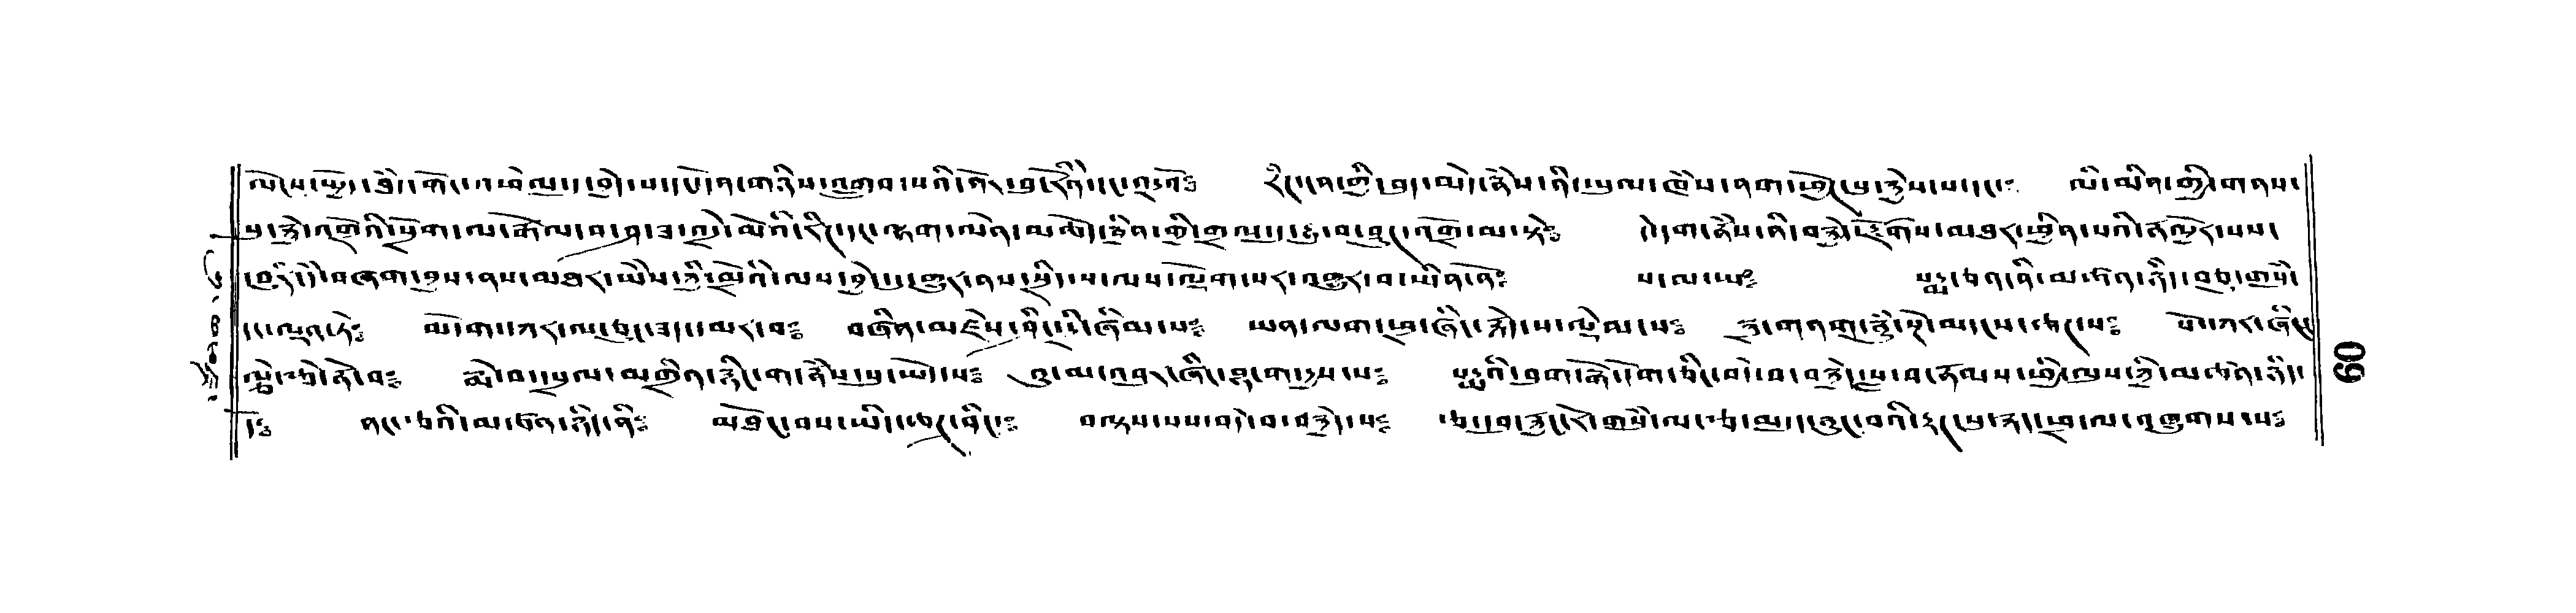ལོངས་སྤྱོད་ཐམས་ཅད་གོང་འཕེལ་དུ་བྱེད་པ་དང་དོན་གཉིས་འགྲུབ་པའི་ནོར་བུ་རིན་པོ་ཆེ་དང་འདྲའོ༔ རིགས་ངན་གྱི་བུད་མེད་རྣམས་ནི་ཡུལ་ཁམས་ནག་ཕྱོགས་སུ་སྐྱེ་པ་དང༔ མི་མིན་གྱིས་གནས་
སུ་སྐྱེ་འགྲོའི་སྲོག་ལ་རྒོལ་བ་ཤ་ཟ་འདྲེ་མོའི་རིགས་དང་ལྷག་ལེན་མཆོད་སྦྱིན་གྱི་གྲལ་དུ་རྒྱུ་བ་ཤུགས་འགྲོ་མ་སྟེ༔ དེ་དག་རྣམས་ནི་བསྐྱེད་རྫོགས་མཐར་ཕྱིན་པའི་རྣལ་འབྱོར་པས་
དབང་བསྐུར་དམ་བཞག་བྱས་ནས་མཐར་ཡེ་ཤེས་ཀྱི་མཁའ་འགྲོའི་ལས་བྱེད་དུ་གྱུར་ནས་སྲིད་པ་ལས་ལྡོག་པར་འགྱུར་བ་ཡིན་ནོ༔ ས་མ་ཡ༔ པདྨ་ཅན་ནི་མཚན་ཉིད་བཅུ་གསུམ་
དང་ལྡན་ཏེ༔ མདོག་དཀར་ལ་ཅུང་ཟད་དམར་བ༔ བཞིན་མཛེས་ཤིང་དྲི་ཞིམ་པ༔ ཡན་ལག་ཕྲ་ཞིང་རྐེད་པ་ལྡེམ་པ༔ སྐྲ་གནག་སྣུམ་སྔོ་མདངས་ཆགས་པ༔ སོ་དཀར་ཞིང་
ལྕེ་རྩེ་རྣོ་བ༔ སྨེ་བ་དཔྲལ་མགྲིན་སྙིག་ག་རྣམས་སུ་ཡོད་པ༔ ནུ་མ་འབུར་ཞིང་བྷ་ག་རྒྱས་པ༔ པདྨའི་བུག་སྒོ་དོག་ཅིང་བདེ་བ་བསྐྱེད་སླ་བ་རྣམས་ཕྱི་ལུས་ཀྱི་མཚན་ཉིད་
དོ༔ ནང་རྩའི་མཚན་ཉིད་ནི༔ མཐོང་བས་ཡིད་ཆགས་ཤིང༔ བལྟས་པས་བདེ་བ་བསྐྱེད་པ༔ རྩ་དབུ་རྐྱང་རོ་གསུམ་ལ་རྩ་མདུད་ཉུང་བའི་རྟགས་སུ་སྐད་ཕྲ་ལ་འཁྱུགས་པ༔